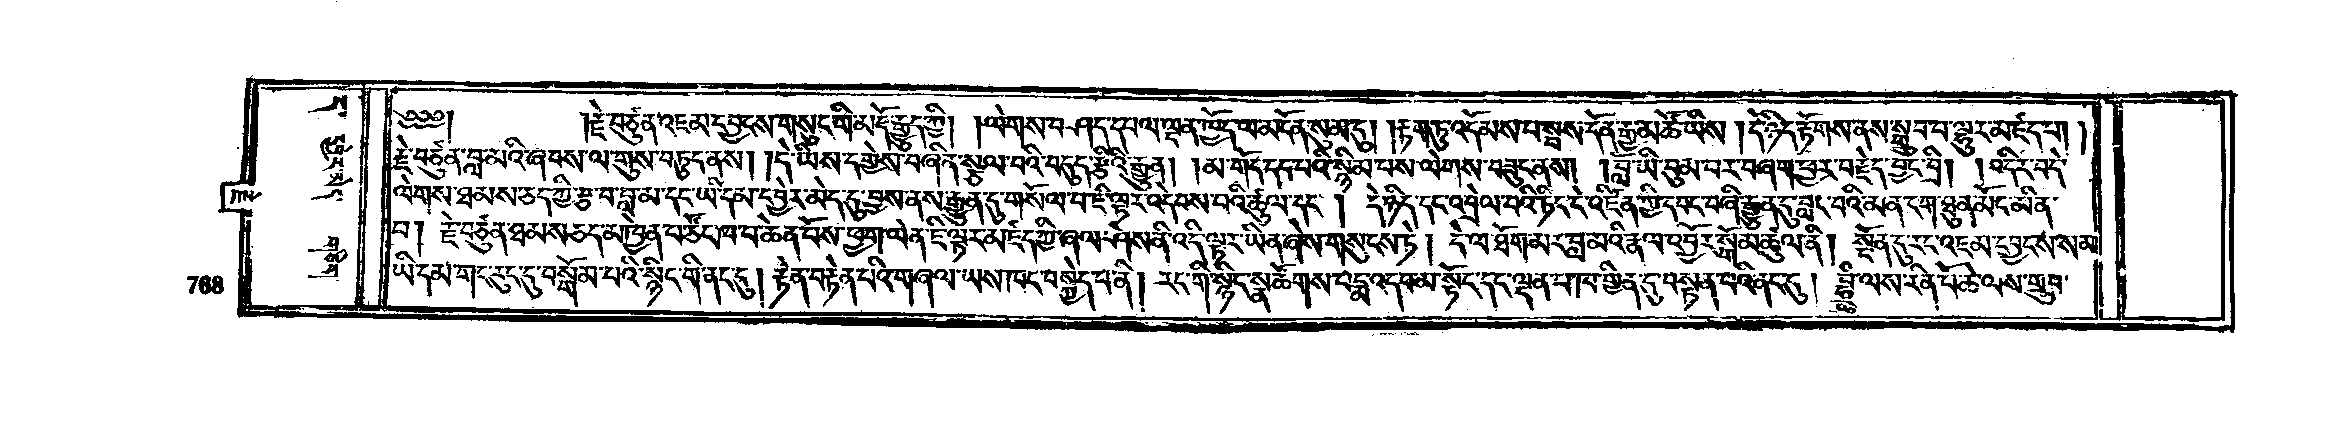༄༅༅། །རྗེ་བཙུན་འཇམ་དབྱངས་གསུང་གི་མདོ་རྒྱུད་ཀྱི། །ལེགས་བཤད་དཔལ་ལྡན་ཁྱོད་ལ་མངོན་སུམ་དུ། །རྟག་ཏུ་འདོམས་པ་སྦས་དོན་རྒྱ་མཚོ་ཡིས། དེ་ཉིད་རྟོགས་ནས་སྒྲུབ་པ་ལྷུར་མཛད་པ། །
རྗེ་བཙུན་བླ་མའི་ཞབས་ལ་གུས་བཏུད་ནས། །དེ་ཡིས་དགྱེས་བཞིན་སྩལ་བའི་བདུད་རྩིའི་རྒྱུན། །མ་གོད་དད་པའི་སྙིམ་པས་ལེགས་བཟུང་ནས། །བློ་ཡི་བུམ་པར་བཞག་ཕྱར་བརྗེད་བྱང་བྲི། །འདིར་བདེ་
ལེགས་ཐམས་ཅད་ཀྱི་རྩ་བླ་མ་དང་ཡི་དམ་དབྱེར་མེད་དུ་བྱས་ནས་རྒྱུན་དུ་གསོལ་བ་ཇི་ལྟར་འདེབས་པའི་ཚུལ་དང་། དེ་ཉིད་དང་འབྲེལ་བའི་ཏིང་ངེ་འཛིན་གྱི་དབང་བཞི་རྒྱུན་དུ་བླང་བའི་མན་ངག་ཐུན་མོང་མིན་
པ། རྗེ་བཙུན་ཐམས་ཅད་མཁྱེན་པ་ཙོང་ཁ་པ་ཆེན་པོས་ཕྱག་ལེན་ཇི་ལྟར་མཛད་ཀྱི་ཞལ་ཤེས་ནི་འདི་ལྟར་ཡིན་ཞེས་གསུངས་ཏེ། དེ་ལ་ཐོག་མར་བླ་མའི་རྣལ་འབྱོར་སྒོམ་ཚུལ་ནི། སྔོན་དུ་རང་འཇམ་དབྱངས་སམ་
ཡི་དམ་གང་རུང་དུ་བསྒོམ་པའི་སྙིང་གི་ནང་དུ། རྟེན་བརྟེན་པའི་གཞལ་ཡས་ཁང་བསྐྱེད་པ་ནི། རང་གི་སྙིང་སྣ་ཚོགས་པདམ་འདབ་མ་སྟོང་དང་ལྡན་པ་ཁ་གྱིན་དུ་བསྟན་པའི་ནང་དུ། བྷྲཱུཾ་ལས་རིན་པོ་ཆེ་ལས་གྲུབ་